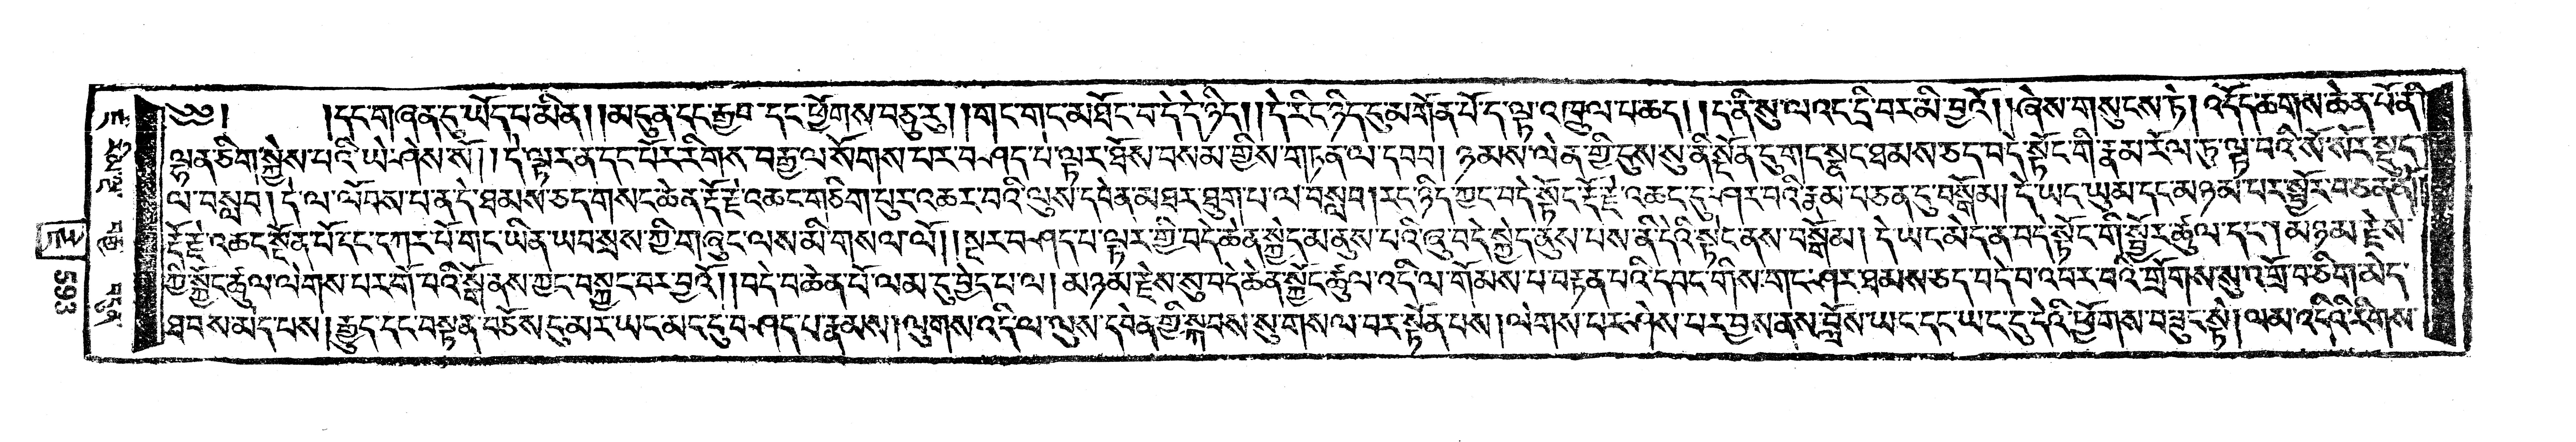༄༅། །དང་གཞན་དུ་ཡོད་པ་མིན། །མདུན་དང་རྒྱབ་དང་ཕྱོགས་བཅུ་རུ། །གང་གང་མཐོང་བ་དེ་དེ་ཉིད། །དེ་རིང་ཉིད་དུ་མགོན་པོ་ད་ལྟ་འཁྲུལ་པ་ཆད། །ད་ནི་སུ་ལའང་དྲི་བར་མི་བྱའོ། །ཞེས་གསུངས་ཏེ། འདོད་ཆགས་ཆེན་པོ་ནི་
ལྷན་ཅིག་སྐྱེས་པའི་ཡེ་ཤེས་སོ། །དེ་ལྟར་ན་དང་པོར་རིགས་བརྒྱ་ལ་སོགས་པར་བཤད་པ་ལྟར་ཐོས་བསམ་གྱིས་གཏན་ལ་དབབ། ཉམས་ལེན་གྱི་དུས་སུ་ནི་སྔོན་དུ་གང་སྣང་ཐམས་ཅད་བདེ་སྟོང་གི་རྣམ་རོལ་ཏུ་ལྟ་བའི་སོ་སོར་སྡུད་
ལ་བསླབ། དེ་ལ་ལོབས་པ་ན་དེ་ཐམས་ཅད་གསང་ཆེན་རྡོ་རྗེ་འཆང་གཅིག་པུར་འཆར་བའི་ལུས་དབེན་མཐར་ཐུག་པ་ལ་བསླབ། རང་ཉིད་ཀྱང་བདེ་སྟོང་རྡོ་རྗེ་འཆང་དུ་ཤར་པའི་རྣམ་པ་ཅན་དུ་བསྒོམ། དེ་ཡང་ཡུམ་དང་མཉམ་པར་སྦྱོར་བ་ཅན་ནོ། །
རྡོ་རྗེ་འཆང་སྔོན་པོ་དང་དཀར་པོ་གང་ཡིན་ཡབ་སྲས་ཀྱི་གཞུང་ལས་མི་གསལ་ལོ། །སྔར་བཤད་པ་ལྟར་གྱི་བདེ་ཆེན་སྐྱེད་མ་ནུས་པའི་ཞུ་བདེ་སྐྱེད་ནུས་པས་ནི་དེའི་སྟེང་ནས་བསྒོམ། དེ་ཡང་མེད་ན་བདེ་སྟོང་གི་སྦྱོར་ཚུལ་དང་། མཉམ་རྗེས་
ཀྱི་སྐྱོང་ཚུལ་ལེགས་པར་གོ་བའི་སྒོ་ནས་ཀྱང་བསྐྱད་བར་བྱའོ། །བདེ་བ་ཆེན་པོ་ལམ་དུ་བྱེད་པ་ལ། མཉམ་རྗེས་སུ་བདེ་ཆེན་སྐྱོང་ཚུལ་འདི་ལ་གོམས་པ་བརྟན་པའི་དབང་གིས་གང་ཤར་ཐམས་ཅད་བདེ་བ་འབར་བའི་གྲོགས་སུ་འགྲོ་བ་ཅིག་མེད་
ཐབས་མེད་པས། རྒྱུད་དང་བསྟན་བཅོས་དུ་མར་ཡང་མང་དུ་བཤད་པ་རྣམས། ལུགས་འདི་ལ་ལུས་དབེན་གྱི་སྐབས་སུ་གསལ་བར་སྟོན་པས། ལེགས་པར་ཤེས་པར་བྱས་ནས་བློས་ཡང་དང་ཡང་དུ་དེའི་ཕྱོགས་བཟུང་སྟེ། ལམ་འདིའི་རིགས་